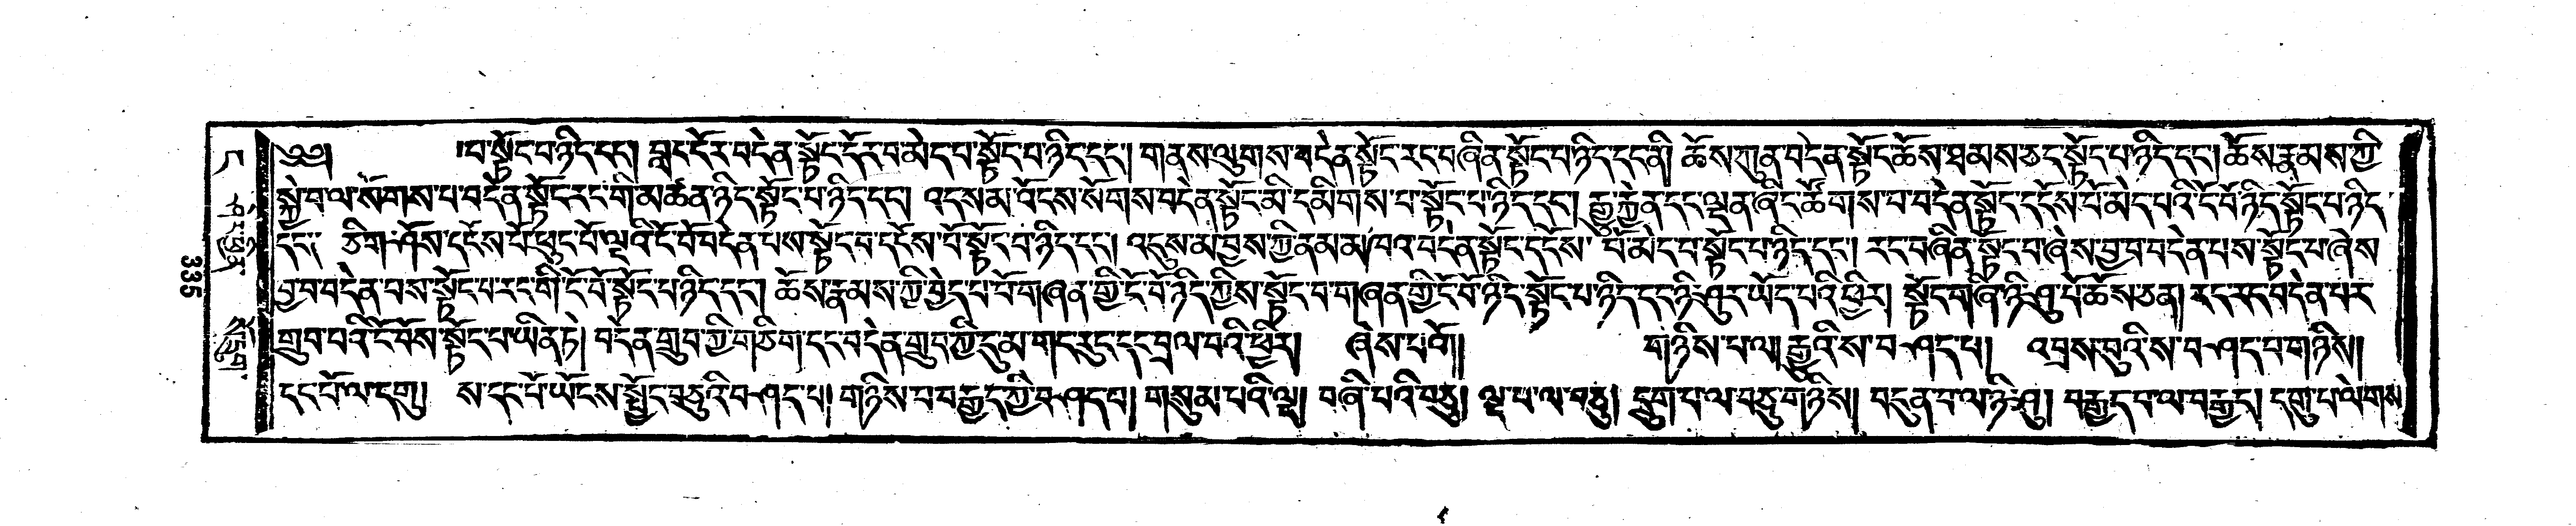༄༅། །པ་སྟོང་པ་ཉིད་དང་། བླང་དོར་བདེན་སྟོང་དོར་བ་མེད་པ་སྟོང་པ་ཉིད་དང་། གནས་ལུགས་བདེན་སྟོང་རང་བཞིན་སྟོང་པ་ཉིད་དང་ནི། ཆོས་ཀུན་བདེན་སྟོང་ཆོས་ཐམས་ཅད་སྟོང་པ་ཉིད་དང་། ཆོས་རྣམས་ཀྱི་
སྐྱེ་བ་ལ་སོགས་པ་བདེན་སྟོང་རང་གི་མཚན་ཉིད་སྟོང་པ་ཉིད་དང་། འདས་མ་འོངས་སོགས་བདེན་སྟོང་མི་དམིགས་པ་སྟོང་པ་ཉིད་དང་། རྒྱུ་རྐྱེན་དང་ལྡན་ཞིང་ཚོགས་པ་བདེན་སྟོང་དངོས་པོ་མེད་པའི་ངོ་བོ་ཉིད་སྟོང་པ་ཉིད་
དང༑ ཅིག་ཤོས་དངོས་པོ་ཕུང་པོ་ལྔའི་ངོ་བོ་བདེན་པས་སྟོང་བ་དངོས་པོ་སྟོང་པ་ཉིད་དང་། འདུས་མ་བྱས་ཀྱི་ནམ་མཁའ་བདེན་སྟོང་དངོས་པོ་མེད་པ་སྟོང་པ་ཉིད་དང་། རང་བཞིན་སྟོང་པ་ཞེས་བྱ་བ་བདེན་པས་སྟོང་པ་ཞེས་
བྱ་བ་བདེན་པས་སྟོང་པ་རང་གི་ངོ་བོ་སྟོང་པ་ཉིད་དང་། ཆོས་རྣམས་ཀྱི་བྱེད་པ་པོ་གཞན་གྱི་ངོ་བོ་ཉིད་ཀྱིས་སྟོང་པ་གཞན་གྱི་ངོ་བོ་ཉིད་སྟོང་པ་ཉིད་དང་ཉི་ཤུར་ཡོད་པའི་ཕྱིར། སྟོང་གཞི་ཉི་ཤུ་པོ་ཆོས་ཅན། རང་རང་བདེན་པར་
གྲུབ་པའི་ངོ་བོས་སྟོང་པ་ཡིན་ཏེ། བདེན་གྲུབ་ཀྱི་གཅིག་དང་བདེན་གྲུབ་ཀྱི་དུ་མ་གང་རུང་དང་བྲལ་བའི་ཕྱིར། ཞེས་པའོ།། གཉིས་པ་ལ། རྒྱུའི་ས་བཤད་པ། འབྲས་བུའི་ས་བཤད་པ་གཉིས།
དང་པོ་ལ་དགུ །ས་དང་པོ་ཡོངས་སྤྱོད་བཅུའི་བཤད་པ། གཉིས་པ་བརྒྱད་ཀྱི་བཤད་པ། གསུམ་པའི་ལྔ། བཞི་པའི་བཅུ། ལྔ་པ་ལ་བཅུ། དྲུག་པ་ལ་བཅུ་གཉིས། བདུན་པ་ལ་ཉི་ཤུ། བརྒྱད་པ་ལ་བརྒྱད། དགུ་པ་ལེགས་